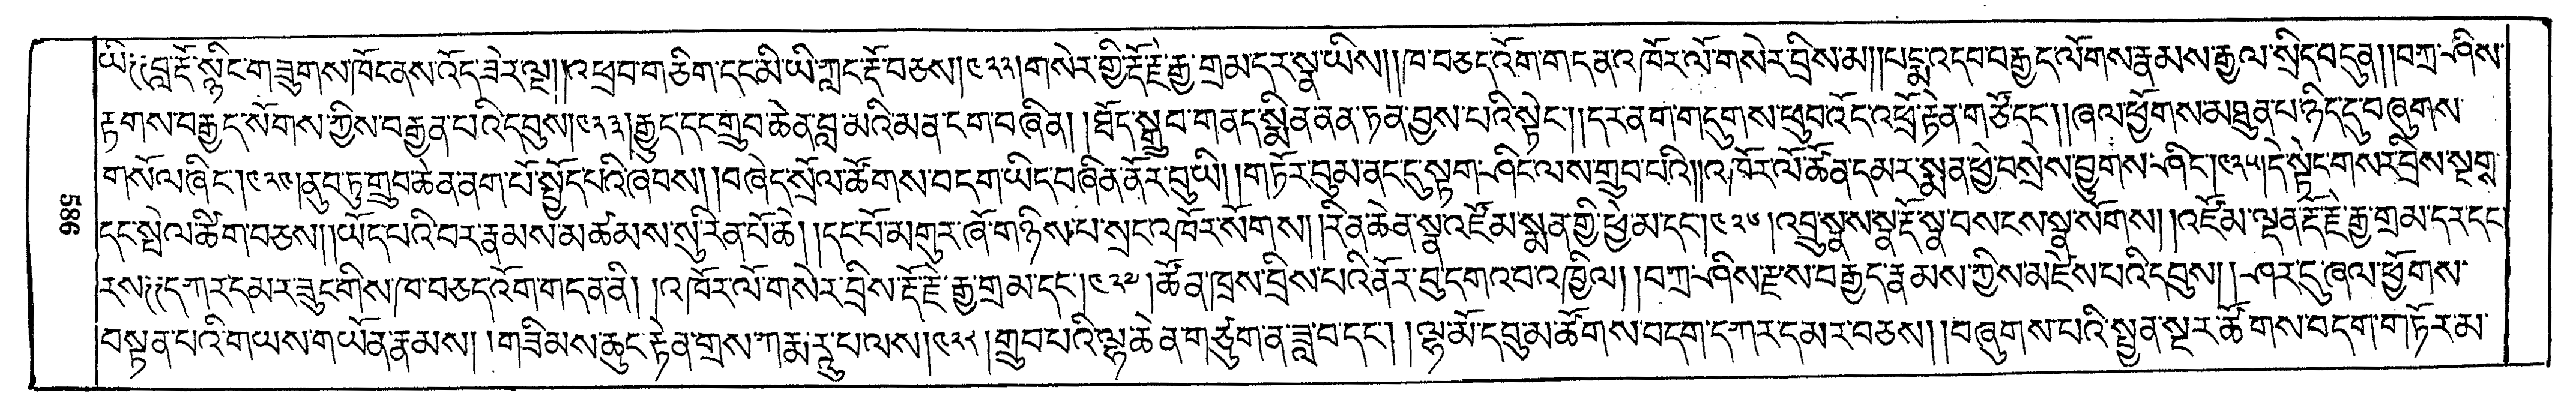ཡི༑ ༑བླ་རྡོ་སྙིང་གཟུགས་ཁོང་ནས་འོད་ཟེར་ལྔ། །འཕྲོ་བ་གཅིག་དང་མི་ཡི་ཀླད་རྡོ་བཅས། ༤༢༢་།གསེར་གྱི་རྡོ་རྗེ་རྒྱ་གྲམ་དར་སྣ་ཡིས། །ཁ་བཅད་འོག་གདན་འཁོར་ལོ་གསེང་བྲིས་མ། །པདམ་འདབ་བརྒྱད་ལོགས་རྣམས་རྒྱལ་སྲིད་བདུན། །བཀྲ་ཤིས་
རྟགས་བརྒྱད་སོགས་ཀྱིས་བརྒྱན་པའི་དབུས། ༤༢༣་།རྒྱུད་དང་གྲུབ་ཆེན་བླ་མའི་མན་ངག་བཞིན། །ཐོད་སྒྲུབ་གནད་སྨིན་ནན་ཏན་བྱས་པའི་སྟེང་། །དར་ནག་གདུགས་བུབ་འོད་འཕྲོ་རྟེན་གཙོ་དང་། །ཞལ་ཕྱགས་མཐུན་པ་ཉིད་དུ་བཞུགས་
གསོལ་ཞིང་། ༤༢༤་།ནུབ་ཏུ་གྲུབ་ཆེན་ནག་པོ་སྤྱོད་པའི་ཞབས། །བཞེད་སྲོལ་ཚོགས་བདག་ཡིད་བཞིན་ནོར་བུ་ཡི། །གཏེར་བུམ་ནང་དུ་སྟག་ཤིང་ལས་གྲུབ་པའི། །འཁོར་ལོ་ཚོན་དམང་སྨན་ཕྱེ་བསྲེས་བྱུགས་ཤིང་། ༤༢༥་།དེ་སྟེང་གསེར་བྲིས་སྔགས་
དང་སྦེལ་ཚིག་བཅས། །ཡོད་པའི་བར་རྣམས་མཚམས་སུ་རིན་པོ་ཆེ། །དང་པོ་མགུར་ཞོ་གཉིས་པ་སྲང་འཁོར་སོགས། །རིན་ཆེན་སྣ་འཛོམ་སྨན་གྱི་ཕྱེ་མ་དང་། ༤༢༦་།འབྲུ་སྣས་སྣ་རྡོ་སྣ་བསངས་སྣ་སོགས། །འཛོམ་ལྡན་རྡོ་རྗེ་རྒྱ་གྲམ་དར་དང་
རས༑ ༑དཀར་དམར་ཟུང་གིས་ཁ་བཅད་འོག་གདན་ནི། །འཁོར་ལོ་གསེར་བྲིས་རྡོ་རྗེ་རྐྱ་གྲམ་དང་། ༤༢༧་།ཚོན་ཁྲས་བྲིས་པའི་ནོར་བུ་དགའ་བ་འཁྱིལ། །བཀྲ་ཤིས་རྫས་བརྒྱད་རྣམས་ཀྱིས་མཛེས་པའི་དབུས། ཤར་དུ་ཞལ་ཕྱོགས་
བསྟན་པའི་གཡས་གཡོན་རྣམས། །གཟིམས་ཆུང་རྟེན་གྲས་ཀརྨ་རཱུ་པ་ལས། ༤༢༨་།གྲུབ་པའི་ལྷ་ཆེན་གཙུག་ན་ཟླ་བ་དང་། །ལྷ་མོ་དབུ་མ་ཚོགས་བདག་དཀར་དམར་བཅས། །བཞུགས་པའི་སྤྱན་སྔར་ཚོགས་བདག་གཏོར་མ་